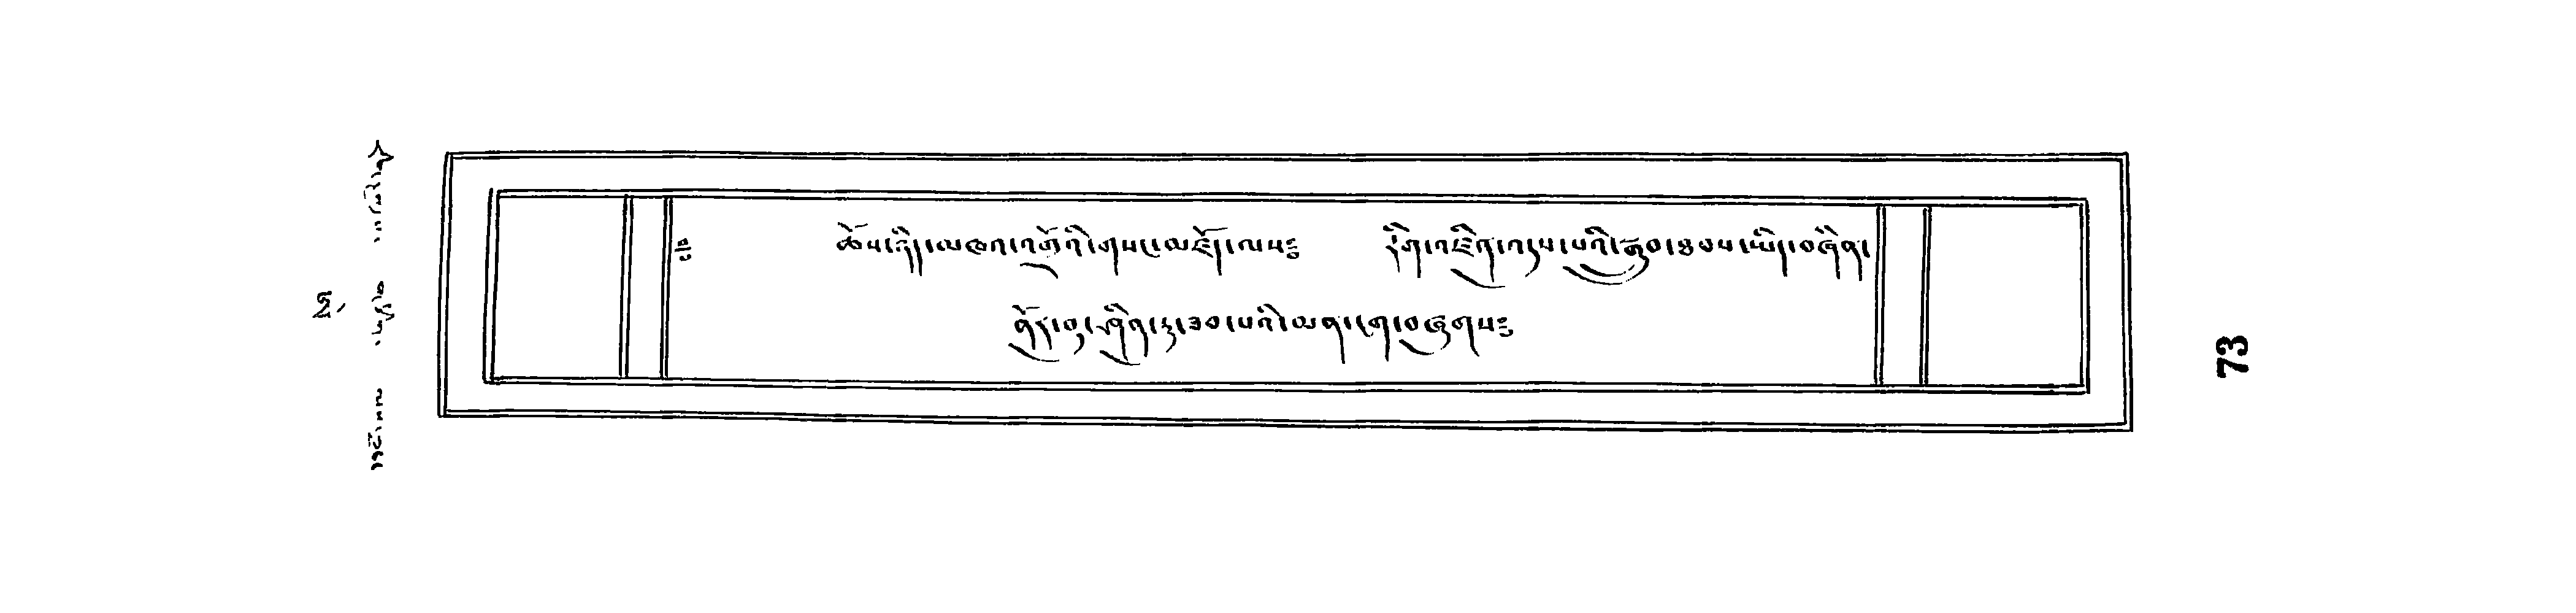ཆོས་ཉིད་མཁའ་འགྲོའི་གསང་མཛོད་ལས༔ རིག་འཛིན་འདུས་པའི་སྒྲུབ་ཐབས་ཡིད་བཞིན་
ནོར་བུ་ཤིན་ཏུ་ཟབ་པའི་མན་ངག་བཞུགས༔